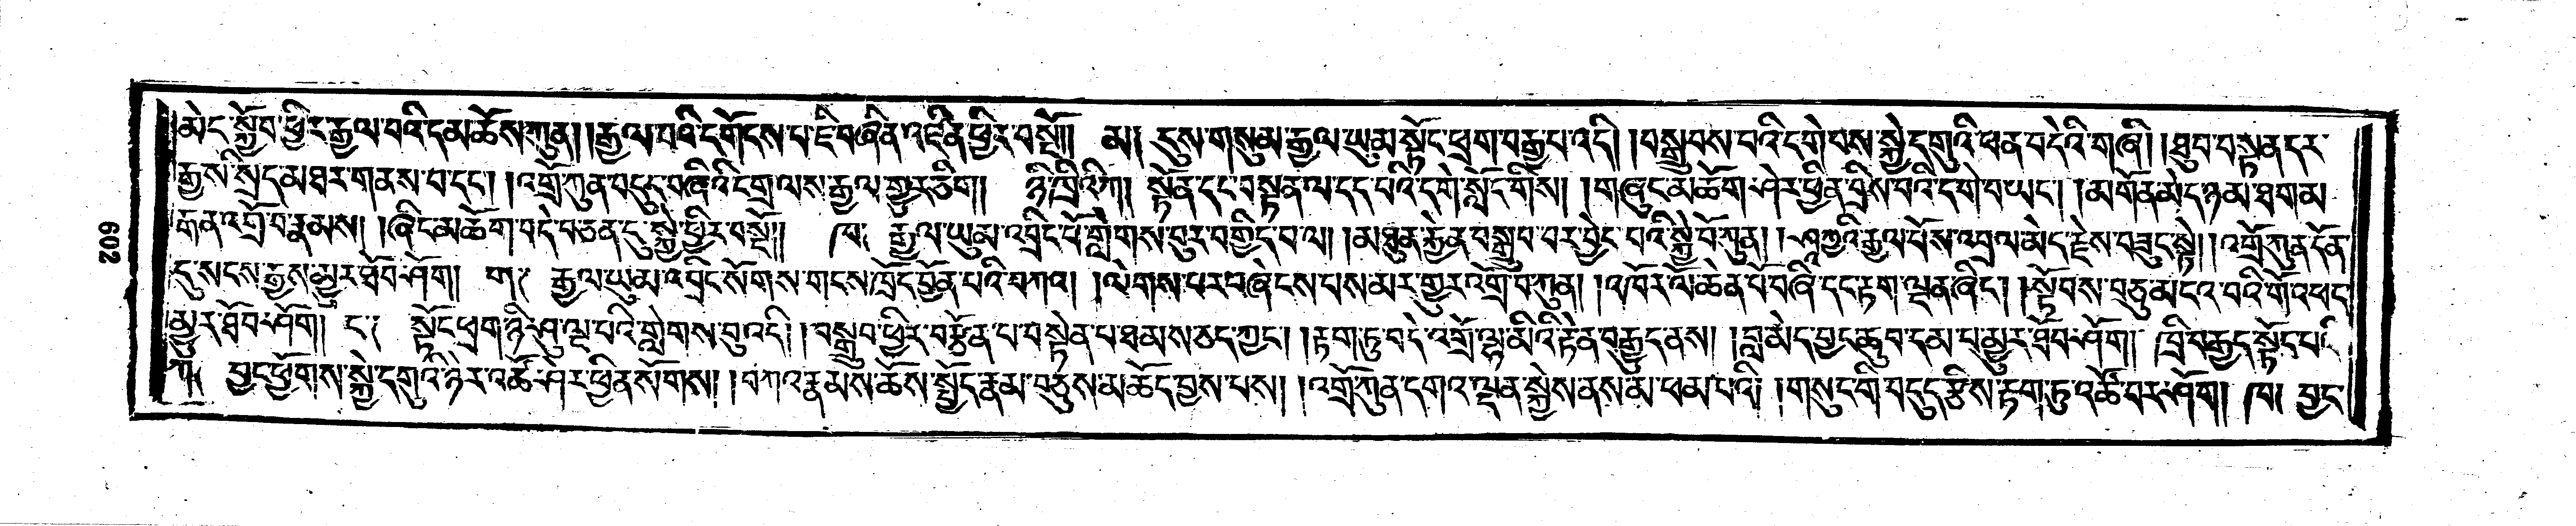མེད་སྐྱོབ་ཕྱིར་རྒྱལ་བའི་དམ་ཆོས་ཀུན། །རྒྱལ་བའི་དགོངས་པ་ཇི་བཞིན་འཛིན་ཕྱིར་བསྔོ།། མ༑ དུས་གསུམ་རྒྱལ་ཡུམ་སྟོང་ཕྲག་བརྒྱ་པ་འདི། །བསྒྲུབས་པའི་དགེ་བས་སྐྱེ་དགུའི་ཕན་བདེའི་གཞི། །ཐུབ་བསྟན་དར་
རྒྱས་སྲིད་མཐར་གནས་པ་དང་། །འགྲོ་ཀུན་བདུད་བཞིའི་དགྲ་ལས་རྒྱལ་གྱུར་ཅིག །ཉི་ཁྲིའི་ཀ། སྟོན་དང་བསྟན་ལ་དད་པའི་དགེ་སློང་གིས། །གཞུང་མཆོག་ཤེར་ཕྱིན་བྲིས་པའི་དགེ་བ་ཡང་། །མགོན་མེད་ཉམ་ཐག་མ་
རྒན་འགྲོ་བ་རྣམས། །ཞིང་མཆོག་བདེ་བ་ཅན་དུ་སྐྱེ་ཕྱིར་བསྔོ།། ཁ༑ རྒྱལ་ཡུམ་འབྲིང་པོ་གླེགས་བུར་བགྱིད་པ་ལ། །མཐུན་རྐྱེན་བསྒྲུབ་པར་བྱེད་པའི་སྐྱེ་བོ་ཀུན། །ཤཱཀྱའི་རྒྱལ་པོས་འབྲལ་མེད་རྗེས་བཟུང་སྟེ། །འགྲོ་ཀུན་དོན་
དུ་སངས་རྒྱས་མྱུར་ཐོབ་ཤོག །ག༑ རྒྱལ་ཡུམ་འབྲིང་སོགས་གངས་ཁྲོད་བྱོན་པའི་བཀའ། །ལེགས་པར་བཞེངས་པས་མར་གྱུར་འགྲོ་བ་ཀུན། །འཁོར་ལོ་ཆེན་པོ་བཞི་དང་རྟག་ལྡན་ཞིང་། །སྟོབས་བཅུ་མངའ་བའི་གོ་འཕང་
མྱུར་ཐོབ་ཤོག །ང༑ སྟོང་ཕྲག་ཉི་ཤུ་ལྔ་པའི་གླེགས་བུ་འདི། །བསྒྲུབ་ཕྱིར་བརྩོན་པ་བསྟེན་པ་ཐམས་ཅད་ཀྱང་། །རྟག་ཏུ་བདེ་འགྲོ་ལྷ་མིའི་རྟེན་བརྒྱུད་ནས། །བླ་མེད་བྱང་ཆུབ་དམ་པ་མྱུར་ཐོབ་ཤོག །ཁྲི་བརྒྱད་སྟོང་པའི་
ཀ༑ བྱང་ཕྱོགས་སྐྱེ་དགུའི་ཉེར་འཚོ་ཤེར་ཕྱིན་སོགས། །བཀའ་རྣམས་ཆོས་སྤྱོད་རྣམ་བཅུས་མཆོད་བྱས་པས། །འགྲོ་ཀུན་དགའ་ལྡན་སྐྱེས་ནས་མ་ཕམ་པའི། །གསུང་གི་བདུད་རྩིས་རྟག་ཏུ་འཚོ་བར་ཤོག །ཁ༑ བྱང་